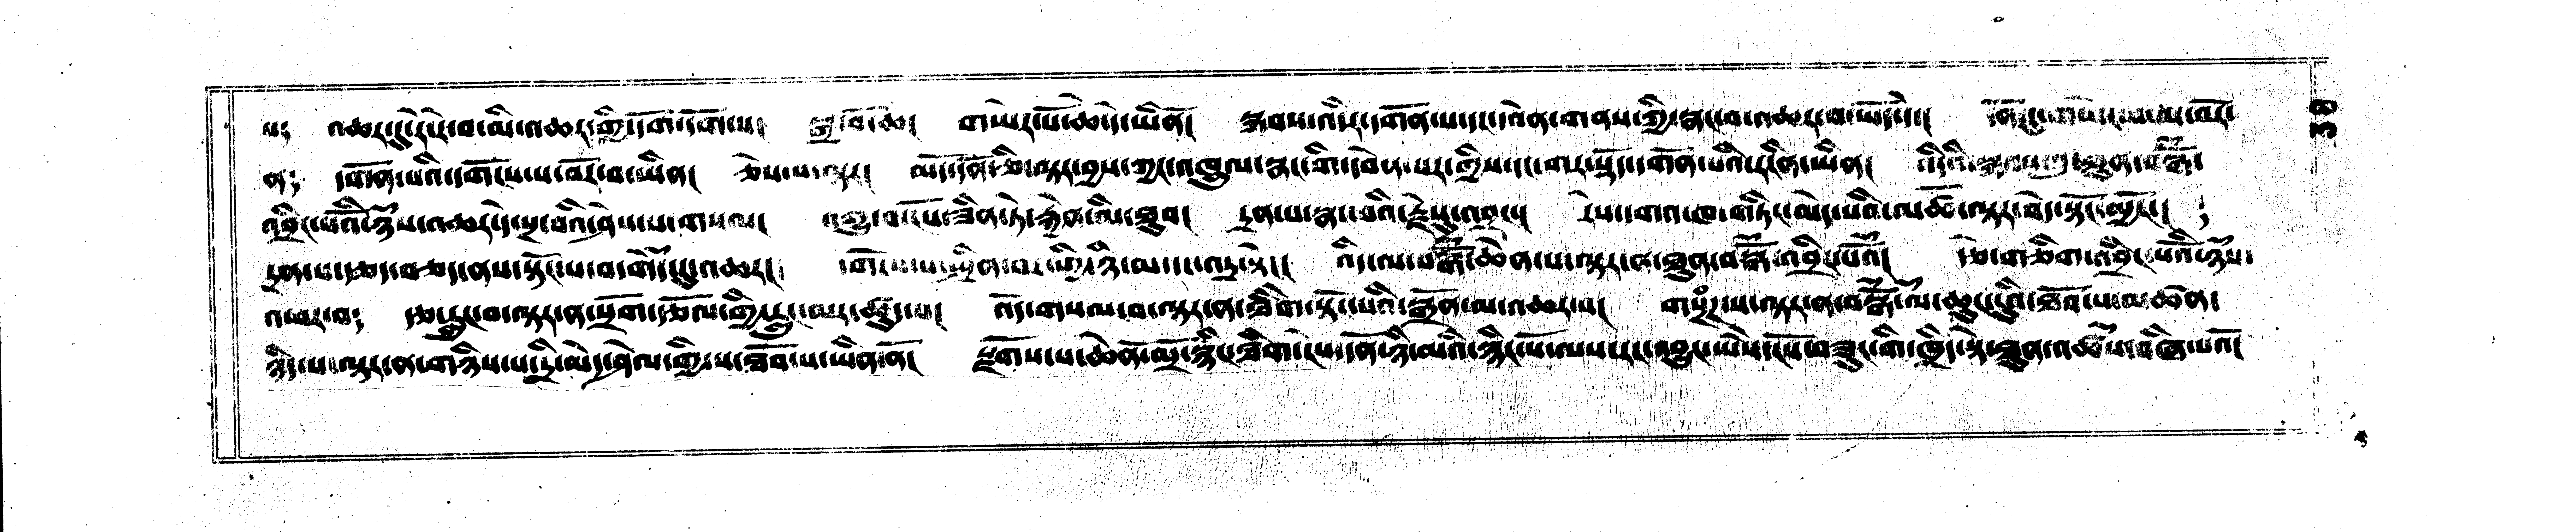པ། འཆར་དུ་རེ་རེ་བ། མི་འཆར་གྱི་དྭོགས་དྭོགས་པ། སྒྲ་བོ་ཆེ། གཡེར་པོ་ཆེ་དེ་ཡིན་ནོ། །སྐབས་འདིར་དགོན་པ་དང་དབེན་གནས་ཀྱི་སྣང་བ་འཆར་བ་ཡོད་དེ། དོན་དུ་གཡེང་བ་མ་བོར
ན། དགོན་པའི་དགོངས་པ་བོར་བ་ཡིན། ཅེས་པ་ལྟར། མདོ་དོན་ཅི་ལྟར་བྱས་ཀྱང་འཁྲུལ་སྣང་གིས་དབེན་པར་གྱིས་དང་། གར་སྡོད་དགོན་པའི་རང་བཞིན་ཡིན། འདིའི་སྐབས་སུ་ཐུན་སྒོམ་
འབྲིང་པོའི་ཉམས་འཆར་དེ་སྔ་བའི་ཤེས་པ་གསལ། འགྱུ་བ་ངོས་ཟིན་ཏེ་རྐྱེན་མི་ཐུབ། དྲན་པ་སྣང་བའི་རྗེས་སུ་འབྲངས། རེས་འགའ་ཁ་གཏིང་མེད་པའི་མཚོ་ལྟར་བདེ་སྟོང་མྱོང་། 
དྲན་པ་རྩད་བཅད་ནས་སྟོང་པ་བདག་མེད་དུ་འཆར། དགོངས་པ་སྤྲིན་བར་གྱི་ཉི་མ་དང་འདྲ་སྟེ། འདི་ལ་སྒོམ་ཆེན་པ་ལྟར་ན་ཐུན་སྒོམ་འབྲིང་པོའམ། རྩེ་གཅིག་འབྲིང་པོའི་ཉམས་
འཕར་བ། རྩ་རླུང་བ་ལྟར་ན་སྲོག་རྩོལ་གྱི་རླུང་དབུ་མར་ཚུད་པ། འོད་གསལ་བ་ལྟར་ན་ཐིག་ལེ་སྟོང་པའི་སྒྲོན་མ་འཆར་བ། གསང་སྔགས་པ་ལྟར་ན་སྒོམ་ལམ་ཆུང་ངུ་ཐོབ་པ་མཚན་
ཉིད་པ་ལྟར་ན་གཉིས་པ་དྲི་མེད་ཤེལ་གྱི་ས་ཐོབ་པ་ཡིན་ནོ། །རྫོགས་པ་ཆེན་པོ་མཁའ་འགྲོ་སྙིང་ཐིག་ངེས་དོན་ཉི་མའི་སྙིང་པོ་ལས། རང་འབྱུང་ཡེ་ཤེས་ངེས་བཟུང་གི་ཁྲིད་དེ་ཐུན་མཚམས་བཞི་པའོ།། །།